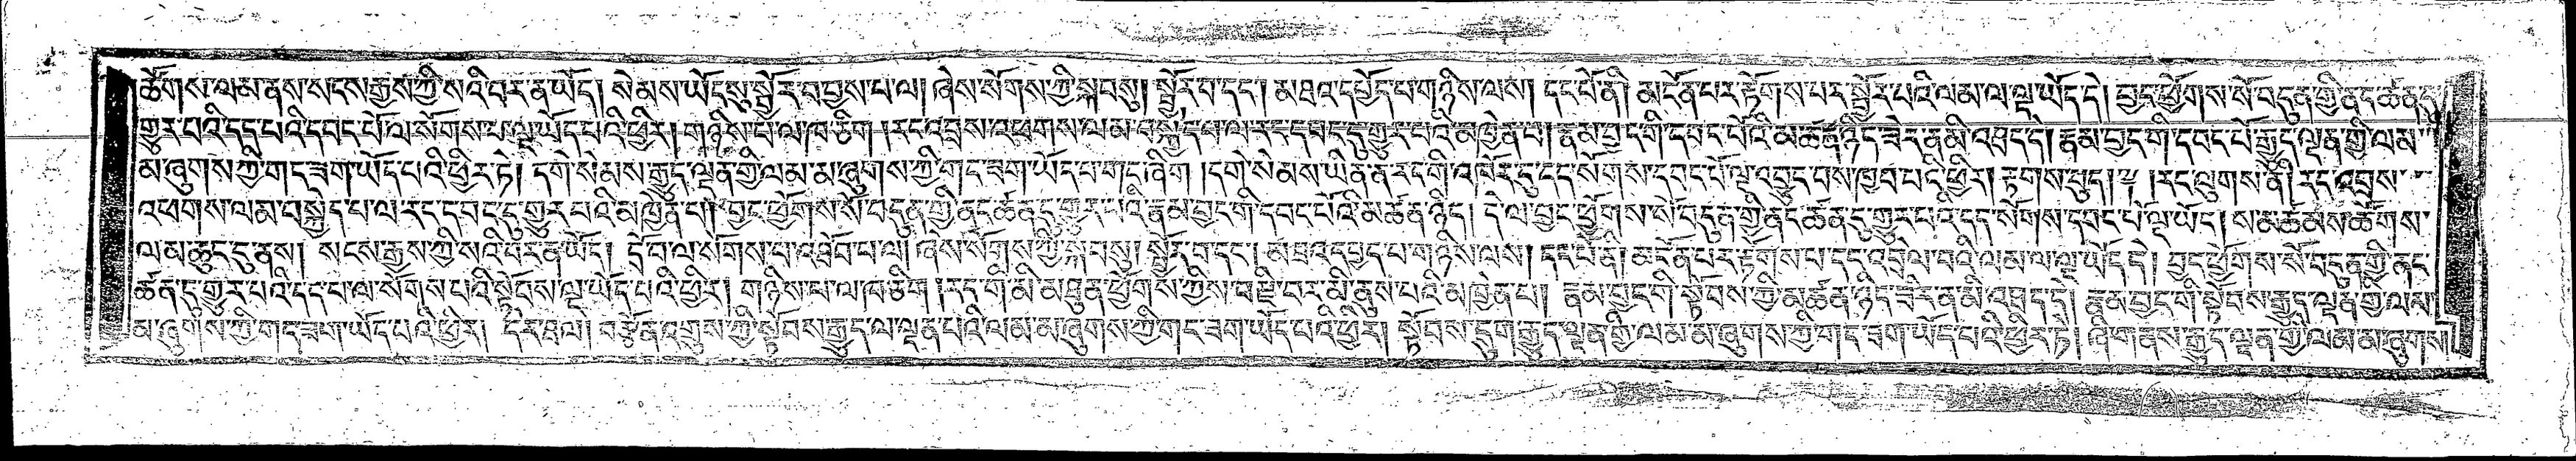ཚོགས་ལམ་ནས་སངས་རྒྱས་ཀྱི་སའི་བར་ན་ཡོད། སེམས་ཡོངས་སུ་སྦྱོར་བ་བྱས་པ་ལ། ཞེས་སོགས་ཀྱི་སྐབས་སུ། སྦྱོར་བ་དང་། མཐའ་དཔྱོད་པ་གཉིས་ལས། དང་པོ་ནི། མངོན་པར་རྟོགས་པར་སྦྱོར་བའི་ལམ་ལ་ལྔ་ཡོད་དེ། བྱང་ཕྱོགས་སོ་བདུན་གྱི་ནང་ཚན་དུ་
གྱུར་པའི་དད་པའི་དབང་པོ་ལ་སོགས་པ་ལྔ་ཡོད་པའི་ཕྱིར། གཉིས་པ་ལ་ཁ་ཅིག །རང་འབྲས་འཕགས་ལམ་བསྐྱེད་པ་ལ་རང་དབང་དུ་གྱུར་པའི་མཁྱེན་པ། རྣམས་བྱང་གི་དབང་པོའི་མཚན་ཉིད་ཟེར་ན་མི་འཐད་དེ། རྣམ་བྱང་གི་དབང་པོ་རྒྱུད་ལྡན་གྱི་ལམ་
མ་ཞུགས་ཀྱི་གང་ཟག་ཡོད་པའི་ཕྱིར་ཏེ། དགེ་སེམས་རྒྱུད་ལྡན་གྱི་ལམ་མ་ཞུགས་ཀྱི་གང་ཟག་ཡོད་པ་གང་ཞིག །དགེ་སེམས་ཡིན་ན་རང་གི་འཁོར་དུ་དད་སོགས་དབང་པོ་ལྔ་འབྱུང་བས་ཁྱབ་པའི་ཕྱིར། རྟགས་བུད། ༈ །རང་ལུགས་ནི། རང་འབྲས་
འཕགས་ལམ་བསྐྱེད་པ་ལ་རང་དབང་དུ་གྱུར་པའི་མཁྱེན་པ། བྱང་ཕྱོགས་སོ་བདུན་གྱི་ནང་ཚན་དུ་གྱུར་པའི་རྣམ་བྱང་གི་དབང་པོའི་མཚན་ཉིད། དེ་ལ་བྱང་ཕྱོགས་སོ་བདུན་གྱི་ནང་ཚན་དུ་གྱུར་པའི་དད་སོགས་དབང་པོ་ལྔ་ཡོད། ས་མཚམས་ཚོགས་
ལམ་ཆུང་ངུ་ནས། སངས་རྒྱས་ཀྱི་སའི་བར་ན་ཡོད། དྲོ་བ་ལ་སོགས་པ་འཐོབ་པ་ལ། ཞེས་སོགས་ཀྱི་སྐབས་སུ། སྦྱོར་བ་དང་། མཐའ་དཔྱད་པ་གཉིས་ལས། དང་པོ་ནི། མངོན་པར་རྟོགས་པ་དང་འབྲེལ་བའི་ལམ་ལ་ལྔ་ཡོད་དེ། བྱང་ཕྱོགས་སོ་བདུན་གྱི་ནང་
ཚན་དུ་གྱུར་པའི་དད་པ་ལ་སོགས་པའི་སྟོབས་ལྔ་ཡོད་པའི་ཕྱིར། གཉིས་པ་ལ་ཁ་ཅིག །རང་གི་མི་མཐུན་ཕྱོགས་ཀྱིས་བརྫི་བར་མི་ནུས་པའི་མཁྱེན་པ། རྣམ་བྱང་གི་སྟོབས་ཀྱི་མཚན་ཉིད་ཟེར་ན་མི་འཐད་དེ། རྣམ་བྱང་གི་སྟོབས་རྒྱུད་ལྡན་གྱི་ལམ་
མ་ཞུགས་ཀྱི་གང་ཟག་ཡོད་པའི་ཕྱིར། དེར་ཐལ། བརྩོན་འགྲུས་ཀྱི་སྟོབས་རྒྱུད་ལ་ལྡན་པའི་ལམ་མ་ཞུགས་ཀྱི་གང་ཟག་ཡོད་པའི་ཕྱིར། སྟོབས་དྲུག་རྒྱུད་ལྡན་གྱི་ལམ་མ་ཞུགས་ཀྱི་གང་ཟག་ཡོད་པའི་ཕྱིར་ཏེ། ཞི་གནས་རྒྱུད་ལྡན་གྱི་ལམ་མ་ཞུགས།